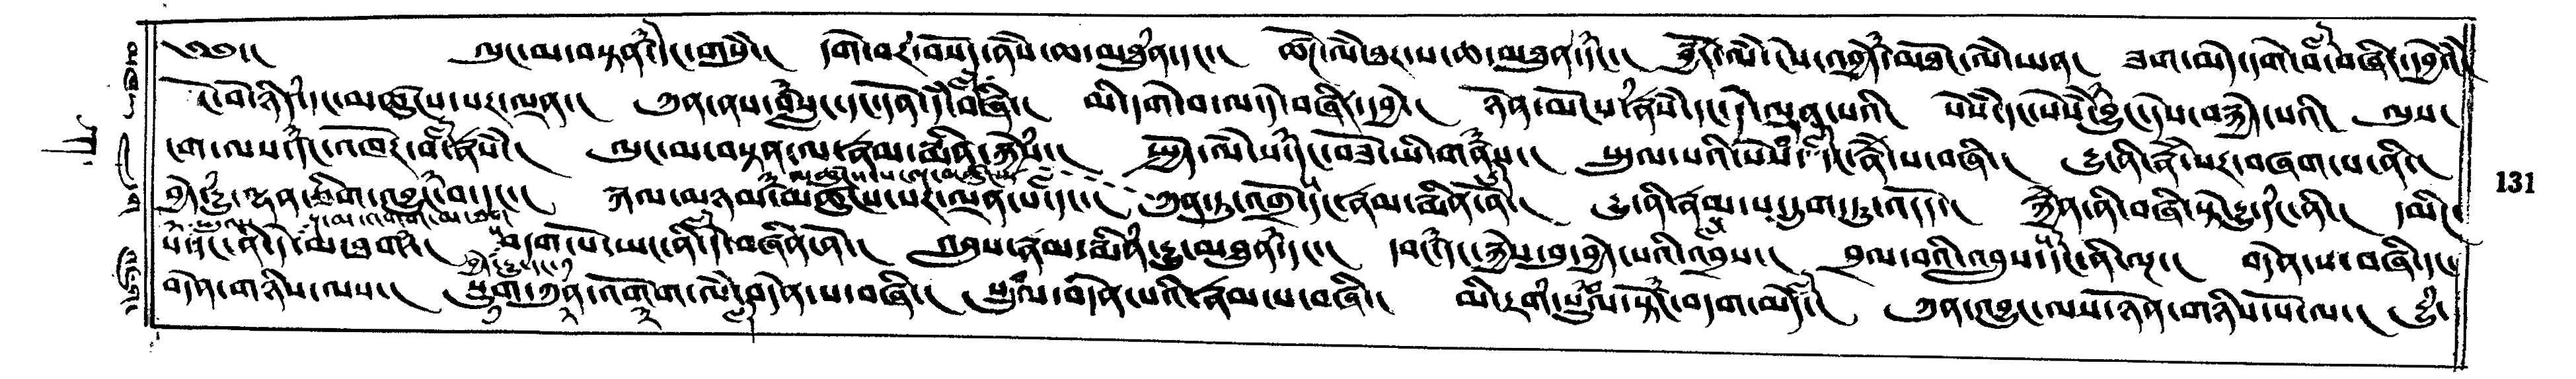ལུང་མ་བསྟན་དང་གསུམ། །དགེ་བར་བསོད་ནམས་ཆ་མཐུན་དང་། །ཚོགས་ལམ་ཐར་པ་ཆ་མཐུན་དང་། །སྦྱོར་ལམ་ངེས་འབྱེད་མཐོང་ལམ་ཡན། །ཟག་མེད་དགེ་བ་བཞིར་དབྱེའམ། །
ངོ་བོ་ཉིད་དང་མཚུངས་པར་ལྡན། །ཀུན་ནས་བསླང་དང་དོན་དམ་བཞི། །མི་དགེ་བ་ལ་དེ་བཞིར་དབྱེ། །ཉོན་མོངས་རྣམས་དང་དེ་ལྡན་པའི། །སེམས་དང་སེམས་བྱུང་དེས་བསྐྱེད་པའི། །ལུས་
ངག་ལས་དང་འཁོར་བ་རྣམས། །ལུང་མ་བསྟན་ལ་རྣམ་སྨིན་སྐྱེས། །སྤྱོད་ལམ་པ་དང་བཟོ་ཡི་གནས། །སྤྲུལ་པའི་སེམས་དང་རྣམ་པ་བཞི། །རྒྱུ་ནི་རྣམ་པར་བཞག་པ་ནི། །
བྱེད་རྒྱུ་ལྷན་ཅིག་འབྱུང་བ་དང་། །སྐལ་མཉམ་མཚུངས་པར་ལྡན་པ་དང་། །མཚུངས་པ་ལྔ་མཚུངས་པར་ཀུན་ཏུ་འགྲོ་དང་རྣམ་སྨིན་ནོ། །རྒྱུ་ནི་རྣམ་པ་དྲུག་ཏུ་འདོད། །རྐྱེན་ནི་བཞི་སྟེ་རྒྱུ་དང་ནི། །དམིགས་
པ་ཡུལ་དང་ནི་དེ་མ་ཐག སྔ་མ་འགག་མ་ཐག བྱེད་རྒྱུ་དང་བདག་པོ་ཡང་ནི་དེ་བཞིན་ནོ། །འབྲས་བུ་རྣམ་སྨིན་རྒྱུ་མཐུན་དང་། །དབང་དང་སྐྱེས་བུ་བྱེད་པའི་འབྲས། །བྲལ་བའི་འབྲས་བུ་དང་ནི་ལྔ། །བདེན་པ་བཞི་དང་
བདེན་གཉིས་ལས། །སྡུག་ཀུན་འགོག་ལམ་བདེན་པ་བཞི། །སྡུག་བསྔལ་བདེན་པའི་རྣམ་པ་བཞི། །མི་རྟག་སྡུག་བསྔལ་སྟོང་བདག་མེད། །ཀུན་འབྱུང་ལས་ཉོན་གཉིས་པོ་ལ། །རྒྱུ་